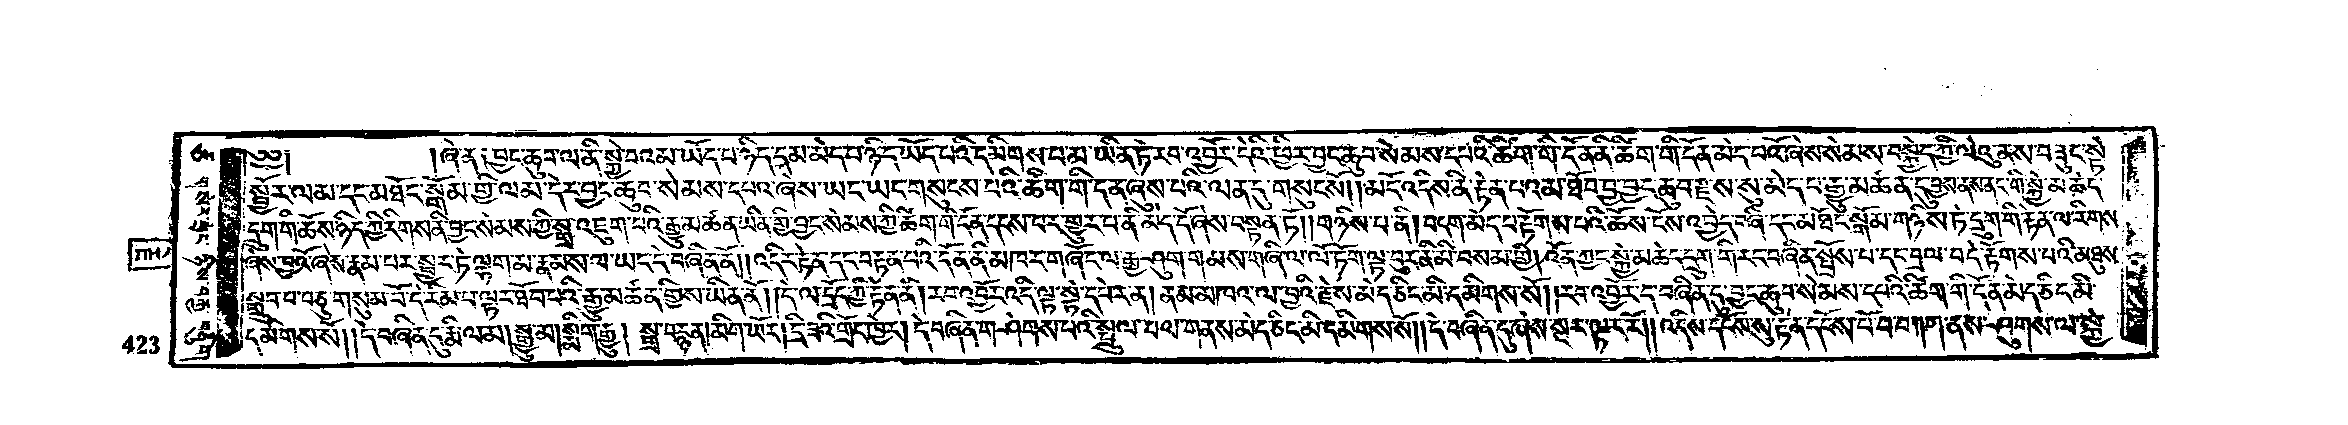༄༅། །ཞེ་ན། བྱང་ཆུབ་ལ་ནི་སྐྱེ་བའམ་ཡོད་པ་ཉིད་དམ་མེད་པ་ཉིད་ཡོད་པའི་དམིགས་པ་མ་ཡིན་ཏེ་རབ་འབྱོར་དེའི་ཕྱིར་བྱང་ཆུབ་སེམས་དཔའི་ཚིག་གི་དོན་ནི་ཚིག་གི་དོན་མེད་པའི་ཞེས་སེམས་བསྐྱེད་ཀྱི་ལེའུ་ནས་བཟུང་སྟེ་
སྦྱོར་ལམ་དང་མཐོང་སྒོམ་གྱི་ལམ་དེར་བྱང་ཆུབ་སེམས་དཔའ་ཞེས་ཡང་ཡང་གསུངས་པའི་ཚིག་གི་དན་ཞུས་པའི་ལན་དུ་གསུངས་སོ། །མདོ་འདིས་ནི་རྟེན་པའམ་ཐོབ་བྱ་བྱང་ཆུབ་རྫས་སུ་མེད་པ་རྒྱུ་མཚན་དུ་བྱས་ནས་ནང་གི་སྐྱེ་མཆེད་
དྲུག་གི་ཆོས་ཉིད་ཀྱི་རིགས་ནི་བྱང་སེམས་ཀྱི་སྒྲ་འཇུག་པའི་རྒྱུ་མཚན་ཡིན་གྱི་བྱང་སེམས་ཀྱི་ཚིག་གི་དོན་དངོས་པར་གྱུར་པ་ནི་མེད་དོ་ཞེས་བསྟན་ཏོ། །གཉིས་པ་ནི། བདག་མེད་པ་རྟོགས་པའི་ཆོས་ངེས་འབྱེད་བཞི་དང་མཐོང་སྒོམ་གཉིས་ཏེ་དྲུག་གི་རྟེན་ལ་རིགས་
ཞེས་བྱའོ་ཞེས་རྣམ་པར་སྦྱར་ཏེ་ལྷག་མ་རྣམས་ལ་ཡང་དེ་བཞིན་ནོ། །འདིར་རྟེན་དང་བརྟན་པའི་དོན་ནི་མཁར་གཞོང་ལ་རྒྱ་ཤུག་གམ་ས་གཞི་ལ་ལོ་ཏོག་ལྟ་བུར་ནི་མི་བསམ་གྱི། འོན་ཀྱང་སྐྱེ་མཆེད་དྲུག་གི་རང་བཞིན་སྤྲོས་པ་དང་བྲལ་བ་དེ་རྟོགས་པའི་མཐུས་
སྒྲུབ་པ་བཅུ་གསུམ་པོ་དེ་རིམ་པ་ལྟར་ཐོབ་པའི་རྒྱུ་མཚན་གྱིས་ཡིན་ནོ། །དེ་ལ་དྲོད་ཀྱི་རྟེན་ནི། རབ་འབྱོར་འདི་ལྟ་སྟེ་དཔེར་ན། ནམ་མཁའ་ལ་བྱའི་རྗེས་མེད་ཅིང་མི་དམིགས་སོ། །རབ་འབྱོར་དེ་བཞིན་དུ་བྱང་ཆུབ་སེམས་དཔའི་ཚིག་གི་དོན་མེད་ཅིང་མི་
དམིགས་སོ། །དེ་བཞིན་དུ་རྨི་ལམ། སྒྱུ་མ། སྨིག་རྒྱུ། སྒྲ་བརྙན། མིག་ཡོར། དྲི་ཟའི་གྲོང་ཁྱེར། དེ་བཞིན་གཤེགས་པའི་སྤྲུལ་པ་ལ་གནས་མེད་ཅིང་མི་དམིགས་སོ། །དེ་བཞིན་དུ་ཞེས་སྔར་ལྟར་རོ། །འདིས་དངོས་སུ་རྟེན་དངོས་པོ་བ་བཀག་ནས་ཤུགས་ལ་སྐྱེ་